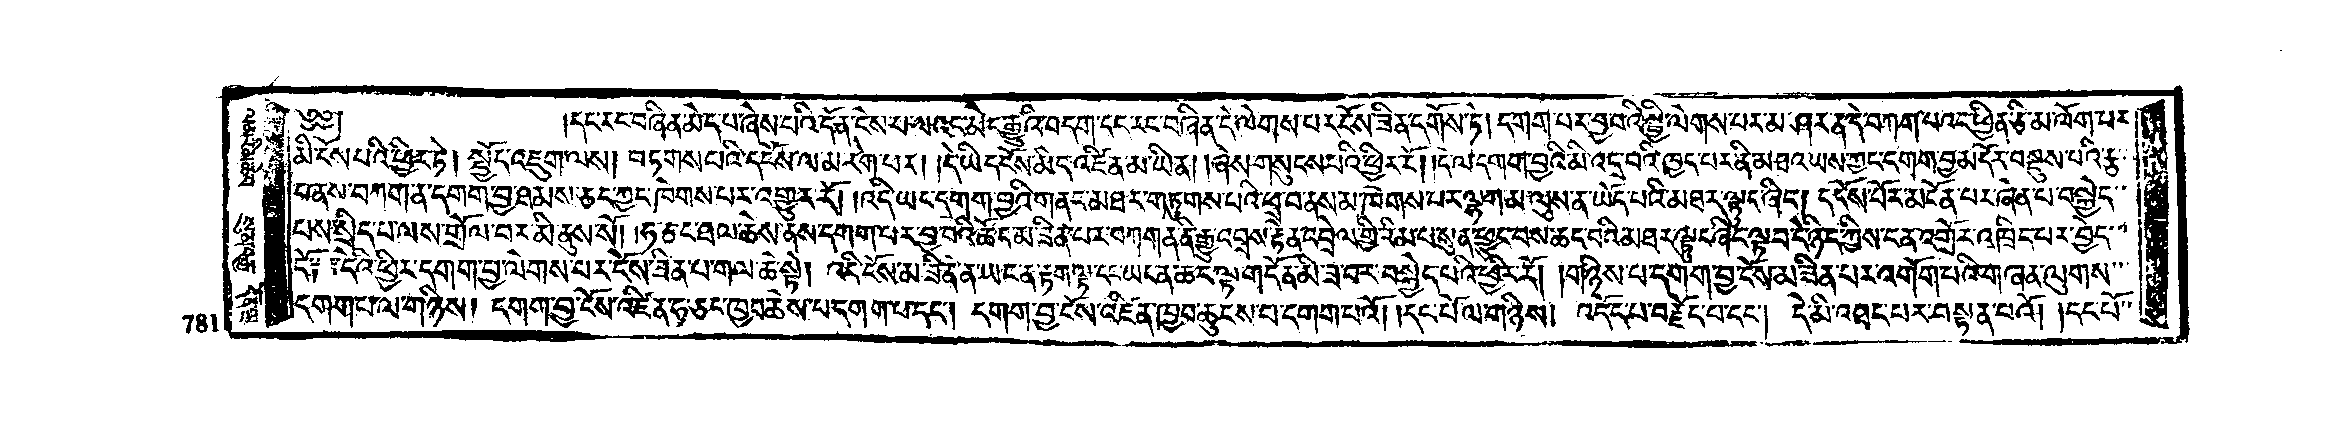༄༅། །དང་རང་བཞིན་མེད་པ་ཞེས་པའི་དོན་ངེས་པ་ལའང་མེད་རྒྱུའི་བདག་དང་རང་བཞིན་དེ་ལེགས་པར་ངོས་ཟིན་དགོས་ཏེ། དགག་པར་བྱ་བའི་སྤྱི་ལེགས་པར་མ་ཤར་ན་དེ་བཀག་པའང་ཕྱིན་ཅི་མ་ལོག་པར་
མི་ངེས་པའི་ཕྱིར་ཏེ། སྤྱོད་འཇུག་ལས། བཏགས་པའི་དངོས་ལ་མ་རེག་པར། །དེ་ཡི་དངོས་མེད་འཛིན་མ་ཡིན། །ཞེས་གསུངས་པའི་ཕྱིར་རོ། །དེ་ལ་དགག་བྱའི་མི་འདྲ་བའི་ཁྱད་པར་ནི་མཐའ་ཡས་ཀྱང་དགག་བྱ་མདོར་བསྡུས་པའི་རྩ་
བ་ནས་བཀག་ན་དགག་བྱ་ཐམས་ཅད་ཀྱང་ཁེགས་པར་འགྱུར་རོ། །འདི་ཡང་དགག་བྱའི་གནད་མཐར་གཏུགས་པའི་ཕྲ་བ་ནས་མ་ཁེགས་པར་ལྷག་མ་ལུས་ན་ཡོད་པའི་མཐར་ལྟུང་ཞིང་། དངོས་པོར་མངོན་པར་ཞེན་པ་བསྐྱེད་
པས་སྲིད་པ་ལས་གྲོལ་བར་མི་ནུས་སོ། །ཧ་ཅང་ཐལ་ཆེས་ནས་དགག་པར་བྱ་བའི་ཚོད་མ་ཟིན་པར་བཀག་ན་ནི་རྒྱུ་འབྲས་རྟེན་འབྲེལ་གྱི་རིམ་པ་སུན་ཕྱུང་བས་ཆད་པའི་མཐར་ལྟུང་ཞིང་ལྟ་བ་དེ་ཉིད་ཀྱིས་ངན་འགྲོར་འཁྲིད་པར་བྱེད་
དོ༑ ༑དེའི་ཕྱིར་དགག་བྱ་ལེགས་པར་ངོས་ཟིན་པ་གལ་ཆེ་སྟེ། འདི་ངོས་མ་ཟིན་ན་ཡང་ན་རྟག་ལྟ་དང་ཡང་ན་ཆད་ལྟ་གདོན་མི་ཟ་བར་བསྐྱེད་པའི་ཕྱིར་རོ། །གཉིས་པ་དགག་བྱ་ངོས་མ་ཟིན་པར་འགོག་པའི་གཞན་ལུགས་
དགག་པ་ལ་གཉིས། དགག་བྱ་ངོས་འཛིན་ཧ་ཅང་ཁྱབ་ཆེས་པ་དགག་པ་དང་། དགག་བྱ་ངོས་འཛིན་ཁྱབ་ཆུངས་པ་དགག་པའོ། །དང་པོ་ལ་གཉིས། འདོད་པ་བརྗོད་པ་དང་། དེ་མི་འཐད་པར་བསྟན་པའོ། །དང་པོ་